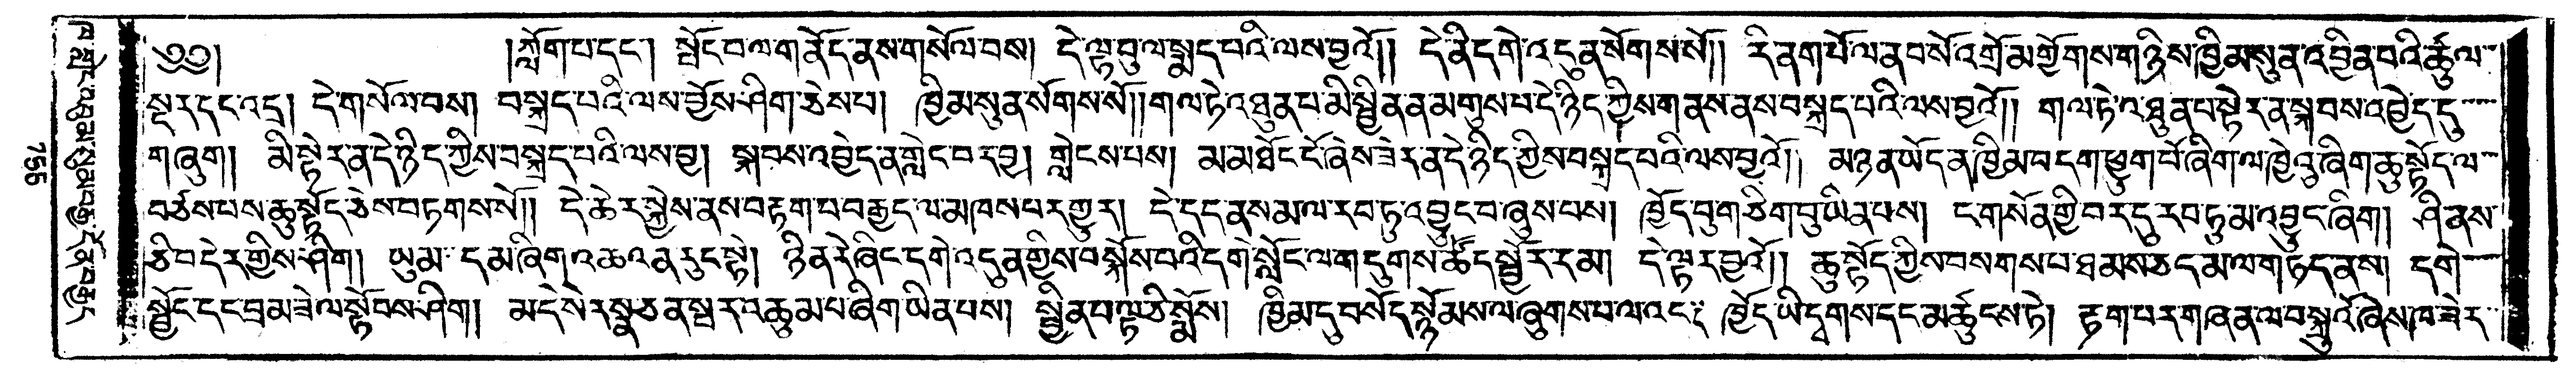༄༅། །ཀློག་པ་དང་། སྤོང་པ་ལ་གནོད་ནས་གསོལ་བས། དེ་ལྟ་བུ་ལ་སྨད་པའི་ལས་བྱའོ།། དེ་ནི་དགེ་འདུན་སོགས་སོ།། རི་ནག་པོ་ལ་ནབ་སོ་འགྲོ་མགྱོགས་གཉིས་ཁྱིམ་སུན་འབྱིན་པའི་ཚུལ་
སྔར་དང་འདྲ། དེ་གསོལ་བས། བསྐྲད་པའི་ལས་བྱོས་ཤིག་ཅེས་པ། ཁྱིམ་སུན་སོགས་སོ། །གལ་ཏེ་འཐུན་པ་མི་སྦྱིན་ན་མགུས་པ་དེ་ཉིད་ཀྱིས་གནས་ནས་བསྐྲད་པའི་ལས་བྱའོ། །གལ་ཏེ་འཐུན་པ་སྟེར་ན་སྐབས་འབྱེད་དུ་
གཞུག། མི་སྟེར་ན་དེ་ཉིད་ཀྱིས་བསྐྲད་པའི་ལས་བྱ། སྐབས་འབྱེད་ན་གླེང་བར་བྱ། གླེངས་པས། མ་མཐོང་ངོ་ཞེས་ཟེར་ན་དེ་ཉིད་ཀྱིས་བསྐྲད་པའི་ལས་བྱའོ།། མཉན་ཡོད་ན་ཁྱིམ་བདག་ཕྱུག་པོ་ཞིག་ལ་ཁྱེའུ་ཞིག་ཆུ་སྟོད་ལ་
བཙས་པས་ཆུ་སྟོད་ཅེས་བཏགས་སོ།། དེ་ཆེར་སྐྱེས་ནས་བརྟག་པ་བརྒྱད་ལ་མཁས་པར་གྱུར། དེ་དད་ནས་མ་ལ་རབ་ཏུ་འབྱུང་བ་ཞུས་པས། ཁྱོད་བུ་གཅིག་བུ་ཡིན་པས། ང་གསོན་གྱི་བར་དུ་རབ་ཏུ་མ་འབྱུང་ཞིག། ཤི་ནས་
ཅི་བདེར་གྱིས་ཤིག། ཡུམ༑ དམ་ཞིག་འཆའ་ན་རུང་སྟེ། ཉིན་རེ་ཞིང་དགེ་འདུན་གྱིས་བསྐོས་པའི་དགེ་སློང་ལ་གདུགས་ཚོད་སྦྱོར་རམ། དེ་ལྟར་བྱའོ།། ཆུ་སྟོད་ཀྱིས་བསགས་པ་ཐམས་ཅད་མ་ལ་གཏད་ནས། དགེ་
སྦྱོང་དང་བྲམ་ཟེ་ལ་སྟོབས་ཤིག། མདེ་སེར་སྣ་ཅན་སྦར་འཆུམ་པ་ཞིག་ཡིན་པས། སྦྱིན་པ་ལྟ་ཅི་སྨོས། ཁྱིམ་དུ་བསོད་སྙོམས་ལ་ཞུགས་པ་ལའང༑ ཁྱོད་ཡི་དྭགས་དང་མཚུངས་ཏེ། རྟག་པར་གཞན་ལ་བསྐྲུའོ་ཞེས་ཁ་ཟེར་